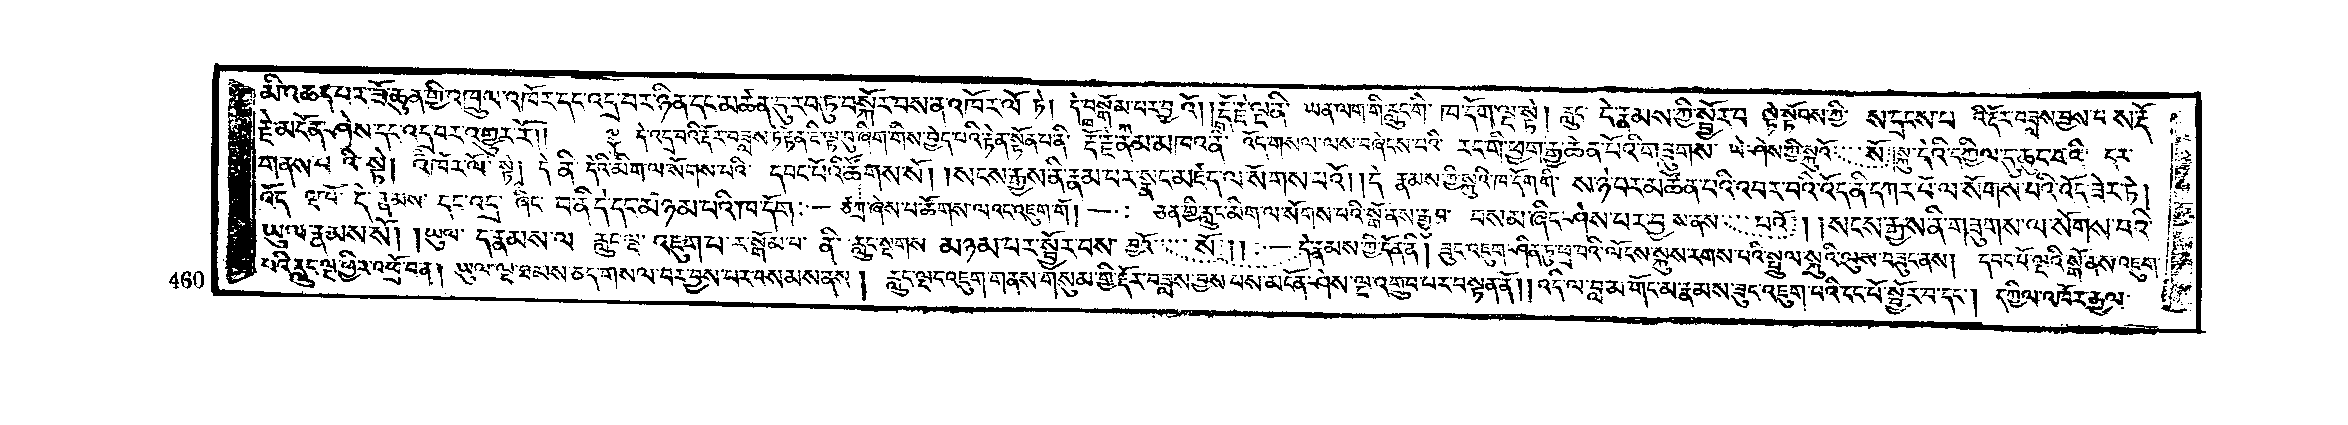མི་འཆད་པར་ཟོ་ཆུན་གྱི་འཁྲུལ་འཁོར་དང་འདྲ་བར་ཉིན་དང་མཆེན་དུ་རབ་ཏུ་བསྐོར་བས་ན་འཁོར་ལོ་ཏེ། དེ་བསྒོམ་པར་བྱའོ། །རྡོ་རྗེ་ལྔ་ནི་ཡན་ལག་གི་རླུང་གི་ཁ་དོག་ལྔ་སྟེ། རླུང་དེ་རྣམས་ཀྱི་སྦྱོར་བ་སྟེ་སྟོབས་ཀྱི་ས་དྲངས་པའི་རྡོར་བཟླས་བྱས་པས་རྡོ་
རྗེ་མངོན་ཤེས་དང་འདྲ་བར་འགྱུར་རོ།། ༈ དེ་འདྲ་བའི་རྡོར་བཟླས་ཏེ་རྟེན་ཇི་ལྟ་བུ་ཞིག་གིས་བྱེད་པའི་རྟེན་སྟོན་པ་ནི་ཁ་རྡོ་རྗེ་ཀ་ནམ་མཁའ་ནི་ག་འོད་གསལ་ལས་བཞེངས་པའི་རང་གི་ཕྱག་རྒྱ་ཆེན་པོའི་གཟུགས་ཡེ་ཤེས་ཀྱི་སྐུའོ་སོ། སྐུ་དེའི་དཀྱིལ་དུ་ཆུད་པ་ནི་དར་
གནས་པའི་སྟེ། འཁོར་ལོ་སྟེ། དེ་ནི་དེའི་མིག་ལ་སོགས་པའི་དབང་པོའི་ཚོགས་སོ། །སངས་རྒྱས་ནི་རྣམ་པར་སྣང་མཛད་ལ་སོགས་པའོ། །དེ་རྣམས་ཀྱི་སྐུའི་ཁ་དོག་གི་ས་ཉེ་བར་མཚོན་པའི་འབར་བའི་འོད་ནི་དཀར་པོ་ལ་སོགས་པའི་འོད་ཟེར་ཏེ།
འོད་ལྔ་པོ་དེ་རྣམས་དང་འདྲ་ཞིང་བ་ནི་དེ་དང་མཉམ་པའི་ཁ་དོགཿ་རྩྐྲ་ཞེས་པ་ཚོགས་ལའང་འཇུག་གོ།.H ཅན་གྱི་རླུང་མིག་ལ་སོགས་པའི་སྒོ་ནས་རྒྱུ་བ་བསམ་ཞིང་ཤེས་པར་བྱས་ནས་པའོ། །སངས་རྒྱས་ནི་གཟུགས་ལ་སོགས་པའི་
ཡུལ་རྣམས་སོ། །ཡུལ་དེ་རྣམས་ལ་རླུང་ལྔ་འཇུག་པ་ར་སྒོམ་པ་ནི་རླུང་སྔགས་མཉམ་པར་སྦྱོར་བས་བྱའོ་སོ།།H.་དེ་རྣམས་ཀྱི་དོན་ནི། ཟུང་འཇུག་ཤིན་ཏུ་ཕྲ་བའི་ལོངས་སྐུས་རགས་པའི་སྤྲུལ་སྐུའི་ལུས་བཟུང་ནས། དབང་པོ་ལྔའི་སྒོ་ནས་འཇུག་
པའི་རླུང་ལྔ་ཕྱིར་འཕྲོ་བ་རྡ། ཡུལ་ལྔ་ཐམས་ཅད་གསལ་བར་བྱས་པར་བསམས་ནས། རླུང་ལྡང་འཇུག་གནས་གསུམ་གྱི་རྡོར་བཟླས་བྱས་པས་མངོན་ཤེས་ལྔ་འགྲུབ་པར་བསྟན་ནོ། །འདི་ལ་བླ་མ་གོང་མ་རྣམས་ཟུང་འཇུག་པའི་དང་པོ་སྦྱོར་བ་དང་། དཀྱིལ་འཁོར་རྒྱལ་